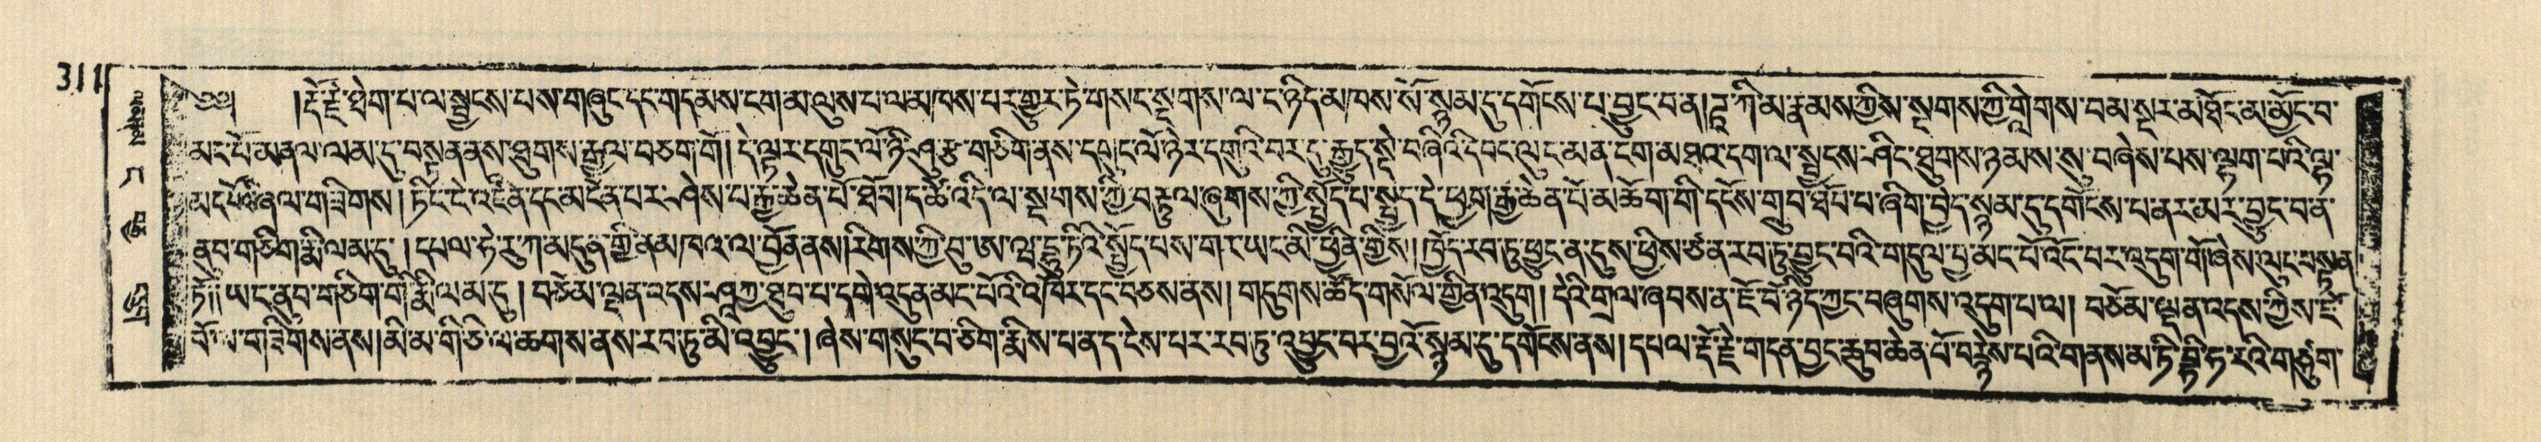༄༅། །རྡོ་རྗེ་ཐེག་པ་ལ་སྦྱངས་པས་གཞུང་དང་གདམས་ངག་མ་ལུས་པ་ལ་མཁས་པར་གྱུར་ཏེ་གསང་སྔགས་ལ་ང་ཉིད་མཁས་སོ་སྙམ་དུ་དགོངས་པ་བྱུང་བ་ན། ཌཱ་ཀི་མ་རྣམས་ཀྱིས་སྔགས་ཀྱི་གླེགས་བམ་སྔར་མཐོང་མ་མྱོང་བ་
མང་པོ་མནལ་ལམ་དུ་བསྟན་ནས་ཐུགས་རྒྱལ་བཅག་གོ། དེ་ལྟར་དགུང་ལོ་ཉི་ཤུ་རྩ་གཅིག་ནས་དགུང་ལོ་ཉེར་དགུའི་བར་དུ་རྒྱུད་སྡེ་བཞིའི་དབང་ལུང་མན་ངག་མཐའ་དག་ལ་སྦྱངས་ཤིང་ཐུགས་ཉམས་སུ་བཞེས་པས་ལྷག་པའི་ལྷ་
མང་པོའི་ཞལ་གཟིགས་།ཏིང་ངེ་འཛིན་དང་མངོན་པར་ཤེས་པ་རྒྱ་ཆེན་པོ་ཐོབ་།ད་ཚེ་འདི་ལ་སྔགས་ཀྱི་བརྟུལ་ཞུགས་ཀྱི་སྤྱོད་པ་སྤྱད་དེ་ཕྱག་རྒྱ་ཆེན་པོ་མཆོག་གི་དངོས་གྲུབ་ཐོབ་པ་ཞིག་བྱེད་སྙམ་དུ་དགོངས་པ་ནར་མར་བྱུང་བ་ན་
ནུབ་གཅིག་རྨི་ལམ་དུ་།དཔལ་ཧེ་རུ་ཀ་མདུན་གྱི་ནམ་མཁའ་ལ་བྱོན་ནས། རིགས་ཀྱི་བུ་ཨ་ཝ་དྷུ་ཏིའི་སྤྱོད་པས་གང་ཡང་མི་ཕྱིན་གྱིས། ཁྱོད་རབ་ཏུ་ཕྱུང་ན་དུས་ཕྱིས་ཙ་ན་རབ་ཏུ་བྱུང་བའི་གདུལ་བྱ་མང་པོ་འོང་བར་འདུག་གོ་ཞེས་ལུང་བསྟན་
ཏོ༑ ༑ཡང་ནུབ་གཅིག་གི་རྨི་ལམ་དུ། བཅོམ་ལྡན་འདས་ཤཱཀྱ་ཐུབ་པ་དགེ་འདུན་མང་པོའི་འཁོར་དང་བཅས་ནས། གདུགས་ཚོད་གསོལ་གྱིན་འདུག། དེའི་གྲལ་ཞབས་ན་ཇོ་བོ་ཉིད་ཀྱང་བཞུགས་འདུག་པ་ལ། བཅོམ་ལྡན་འདས་ཀྱིས་ཇོ་
བོ་ལ་གཟིགས་ནས། མི་མ་གི་ཅི་ལ་ཆགས་ནས་རབ་ཏུ་མི་འབྱུང་། ཞེས་གསུང་བ་ཅིག་རྨིས་པ་ན་ད་ངེས་པར་རབ་ཏུ་འབྱུང་བར་བྱའོ་སྙམ་དུ་དགོངས་ནས། དཔལ་རྡོ་རྗེ་གདན་བྱང་ཆུབ་ཆེན་པོ་བརྙེས་པའི་གནས་མ་ཏི་བྷི་ཧ་རའི་གཙུག་